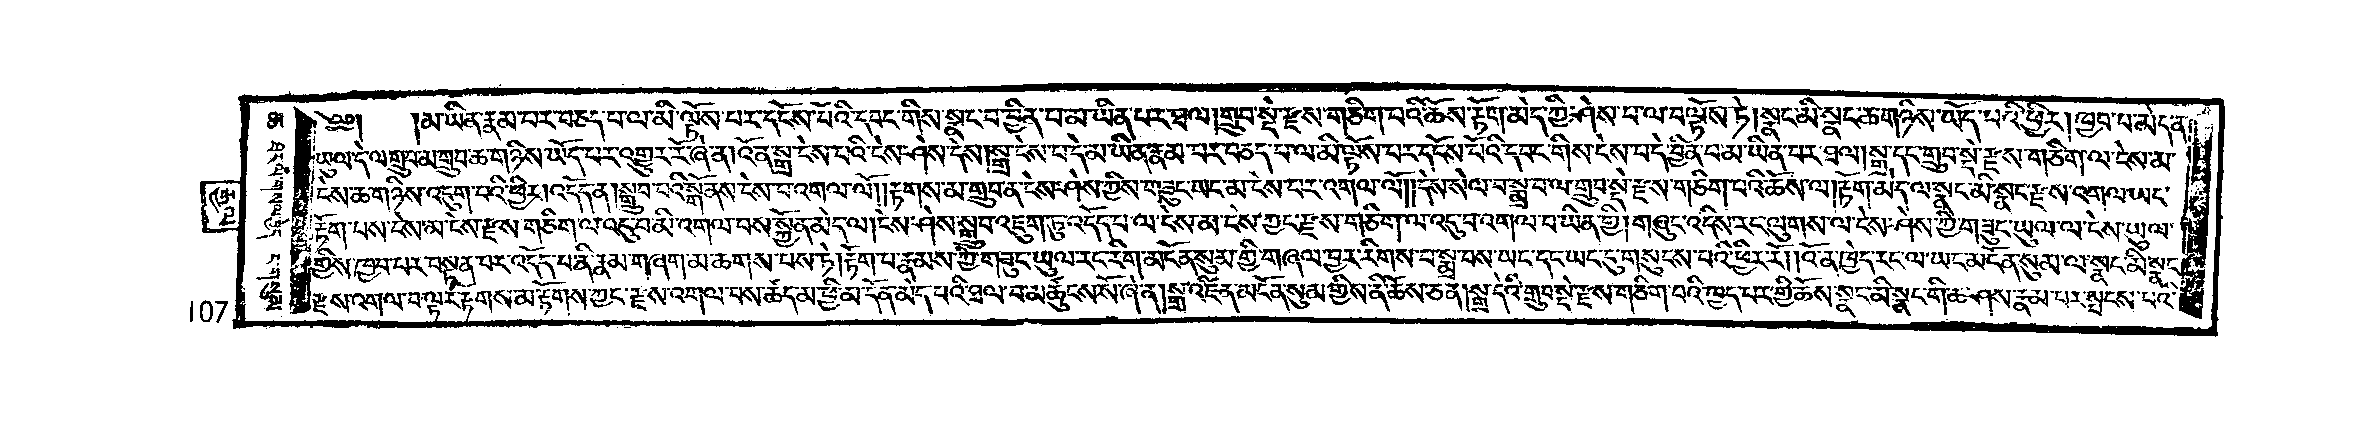༄༅། །མ་ཡིན་རྣམ་པར་བཅད་པ་ལ་མི་ལྟོས་པར་དངོས་པོའི་དབང་གིས་སྣང་བ་བྱིན་པ་མ་ཡིན་པར་ཐལ། གྲུབ་སྡེ་རྫས་གཅིག་པའི་ཆོས་རྟོག་མེད་ཀྱི་ཤེས་པ་ལ་བལྟོས་ཏེ། སྣང་མི་སྣང་ཆ་གཉིས་ཡོད་པའི་ཕྱིར། ཁྱབ་པ་མེད་ན་
ཡུལ་དེ་ལ་གྲུབ་མ་གྲུབ་ཆ་གཉིས་ཡོད་པར་འགྱུར་རོ་ཞེ་ན། འོ་ན་སྒྲ་ངེས་པའི་ངེས་ཤེས་དེས། སྒྲ་ངེས་པ་དེ་མ་ཡིན་རྣམ་པར་བཅད་པ་ལ་མི་ལྟོས་པར་དངོས་པོའི་དབང་གིས་ངེས་པ་དེ་བྱིན་པ་མ་ཡིན་པར་ཐལ། སྒྲ་དང་གྲུབ་སྡེ་རྫས་གཅིག་ལ་ངེས་མ་
ངེས་ཆ་གཉིས་འདུག་པའི་ཕྱིར། འདོད་ན། སྒྲུབ་པའི་སྒོ་ནས་ངེས་པ་འགལ་ལོ། །རྟགས་མ་གྲུབ་ན་ངེས་ཤེས་ཀྱིས་གཟུང་ཡང་མ་ངེས་པར་འགལ་ལོ། །དེས་སེལ་བ་སྨྲ་བ་ལ་གྲུབ་སྡེ་རྫས་གཅིག་པའི་ཆོས་ལ། རྟོག་མེད་ལ་སྣང་མི་སྣང་རྫས་འགལ་ཡང་
རྟོག་པས་ངེས་མ་ངེས་རྫས་གཅིག་ལ་འདུ་བ་མི་འགལ་བས་སྐྱོན་མེད་ལ། ངེས་ཤེས་སྒྲུབ་འཇུག་ཏུ་འདོད་པ་ལ་ངེས་མ་ངེས་ཀྱང་རྫས་གཅིག་ལ་འདུ་བ་འགལ་བ་ཡིན་གྱི། གཞུང་འདིས་རང་ལུགས་ལ་ངེས་ཤེས་ཀྱི་གཟུང་ཡུལ་ལ་ངེས་ཡུལ་
གྱིས་ཁྱབ་པར་བསྟན་པར་འདོད་པ་ནི་རྣམ་གཞག་མ་ཆགས་པས་ཏེ། རྟོག་པ་རྣམས་ཀྱི་གཟུང་ཡུལ་རང་རིག་མངོན་སུམ་གྱི་གཞལ་བྱར་རིགས་པ་སྨྲ་བས་ཡང་དང་ཡང་དུ་གསུངས་པའི་ཕྱིར་རོ། །འོ་ན་ཁྱེད་རང་ལ་ཡང་མངོན་སུམ་ལ་སྣང་མི་སྣང་
རྫས་འགལ་བ་ལྟར་རྟོགས་མ་རྟོགས་ཀྱང་རྫས་འགལ་བས་ཚད་མ་ཕྱི་མ་དོན་མེད་པའི་ཐལ་བ་མཚུངས་སོ་ཞེ་ན། སྒྲ་འཛིན་མངོན་སུམ་གྱིས་ནི་ཆོས་ཅན། སྒྲ་དེའི་གྲུབ་སྡེ་རྫས་གཅིག་པའི་ཁྱད་པར་གྱི་ཆོས་སྣང་མི་སྣང་གི་ཆ་ཤས་རྣམ་པར་སྤངས་པའི་